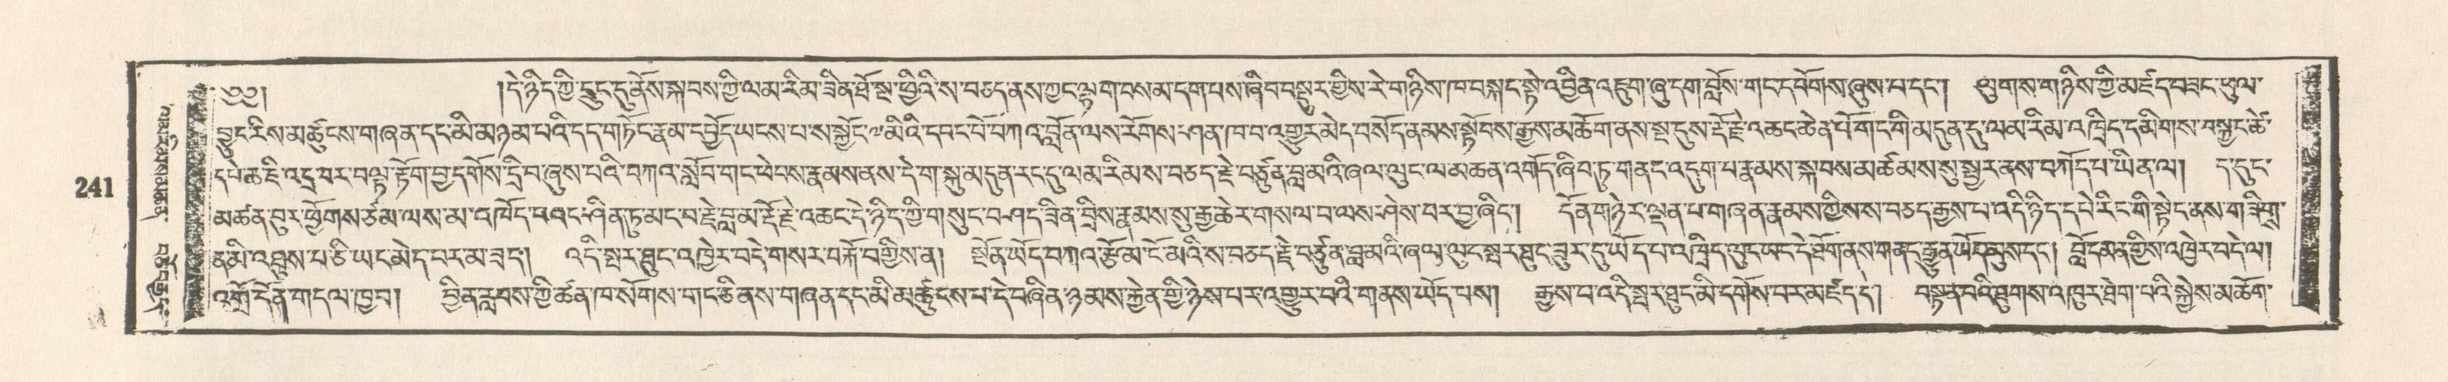༄༅། ། དེ་ཉིད་ཀྱི་དྲུང་དུ་ནོས་སྐབས་ཀྱི་ལམ་རིམ་ཐོ་སྔ་ཕྱིའི་ས་བཅད་ནས་ཀྱང་ལྷག་བསམ་དག་པས་ཞིབ་བསྡུར་གྱིས་རེ་གཉིས་ཁ་བསྐང་སྟེ་འཕྱིན་འཇུག་ཞུ་དག་བློས་གང་དབོགས་ཞུས་པ་དང་། ལུགས་གཉིས་ཀྱི་མཛད་བཟང་ཕུལ
བྱུང་རིས་མཚུངས་གཞན་དང་མི་མཉམ་པའི་དད་གཏོང་རྣམ་དཔྱོད་ཡངས་པ་ས་སྐྱོང་~མིའི་དབང་པོ་བཀའ་བློན་ལས་རོགས་ཤན་ཁ་བ་འགྱུར་མེད་བསོད་ནམས་སྟོབས་རྒྱས་མཆོག་ནས་སྔ་དུས་རྡོ་རྗེ་འཆང་ཆེན་པོ་གང་གི་མདུན་དུ་ལམ་རིམ་འཁྲིད་དམིགས་བསྐྱང་ཚེ
དཔེ་ཆ་ཇི་འདྲ་བར་བལྟ་རྟོག་བྱ་དགོས་དྲི་བ་ཞུས་པའི་བཀའ་སློབ་གང་ཕེབས་རྣམས་ནས་དེ་ག་སྐུ་མདུན་རང་དུ་ལམ་རིམ་ས་བཅད་རྗེ་བཙུན་བླ་མའི་ཞལ་ལུང་ལ་མཆན་འགོད་ཞིབ་ཏུ་གནང་འདུག་པ་རྣམས་སྐབས་མཚམས་སུ་སྦྱར་ནས་བཀོད་པ་ཡིན་ལ། ད་དུང
མཆན་བུར་ཕྱོགས་ཙམ་ལས་མ་འཁོད་པའང་ཤིན་ཏུ་མང་བ་རྗེ་བླ་མ་རྡོ་རྗེ་འཆང་དེ་ཉིད་ཀྱི་གསུང་བཤད་ཟིན་བྲིས་རྣམས་སུ་རྒྱ་ཆེར་གསལ་བ་ལས་ཤེས་པར་བྱ་ཞིང་། དོན་གཉེར་ལྡན་པ་གཞན་རྣམས་ཀྱིས་ས་བཅད་རྒྱས་པ་འདི་ཉིད་དཔེ་རིང་གི་སྟེང་ནས་གཟིགས
ན་མི་འཐུས་པ་ཅི་ཡང་མེད་པར་མ་ཟད། འདི་སྤར་ཐུང་འཁྱེར་བདེ་གསར་བརྐོ་བགྱིས་ན། སྔོན་ཡོད་བཀའ་རྩོམ་ངོ་མའི་ས་བཅད་རྗེ་བཙུན་བླ་མའི་ཞལ་ལུང་སྤར་ཐུང་ཟུར་དུ་ཡོད་པ་འཁྲིད་ལུང་ཡང་དེ་ཐོག་ནས་གནང་རྒྱུན་ཡོད་མུས་དང་། བློ་དམན་གྱིས་འཁྱེར་བདེ་ལ།
འགྲོ་དོན་གདལ་ཁྱབ། བྱིན་རླབས་ཀྱི་ཚན་ཁ་སོགས་གང་ཅི་ནས་གཞན་དང་མི་མཚུངས་པ་དེ་བཞིན་ཉམས་རྐྱེན་གྱི་ཉེས་པར་འགྱུར་བའི་གནས་ཡོད་པས། རྒྱས་པ་འདི་སྤར་ཐུང་མི་དགོས་པར་མཛད་དེ། བསྟན་པའི་ཐུགས་འཁུར་ཐེག་པའི་སྐྱེས་མཆོག